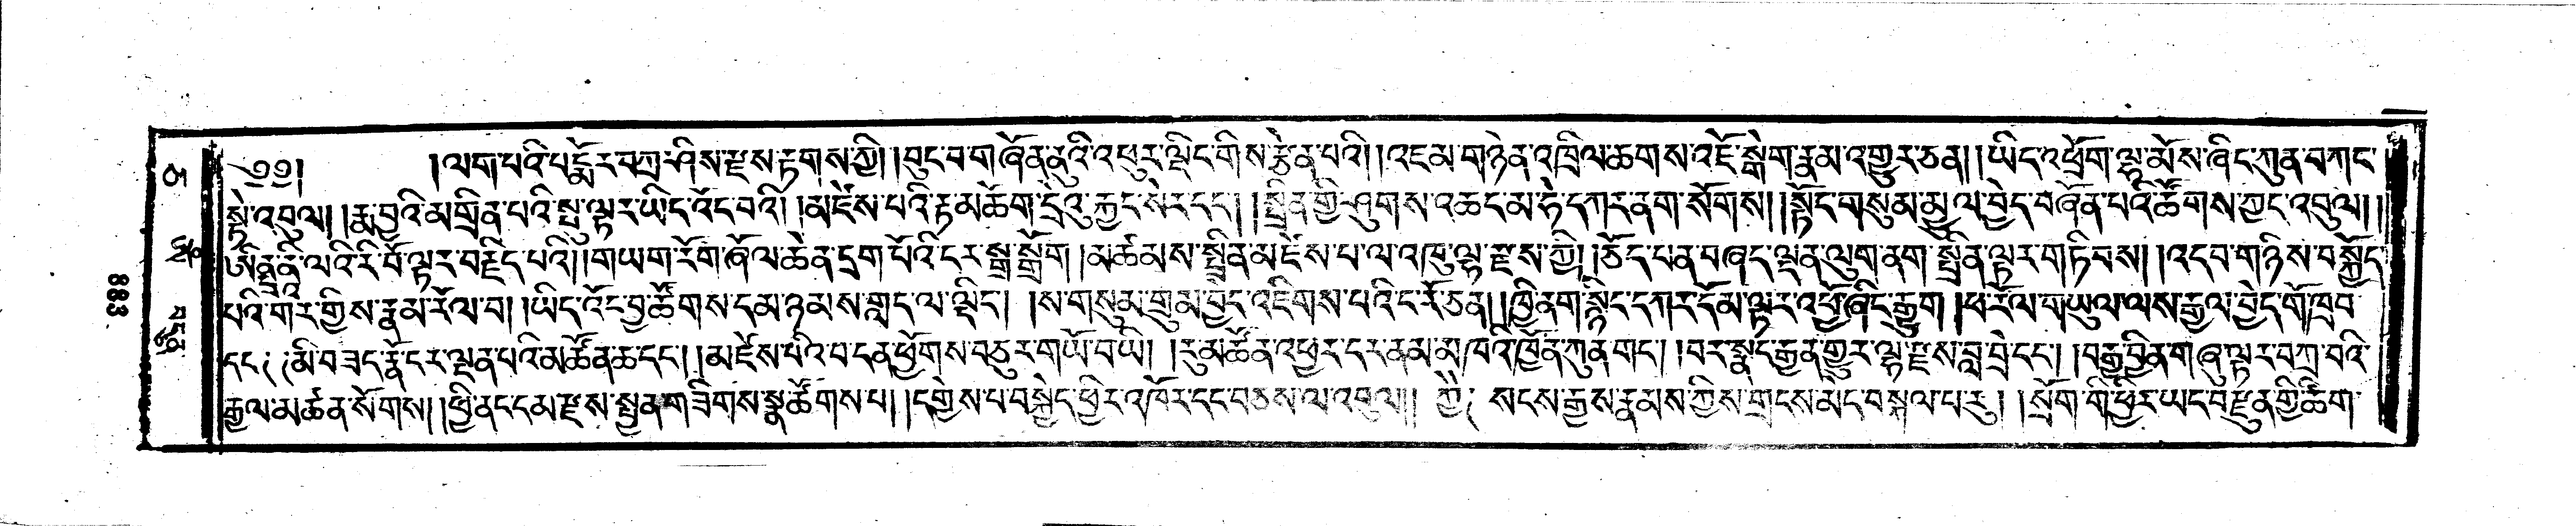༄༅། །ལག་པའི་པདམོར་བཀྲ་ཤིས་རྫས་རྟགས་ཀྱི། །བུང་བ་གཞོན་ནུའི་འཕུར་ལྡིང་གིས་རྩེན་པའི། །འཇམ་གཉེན་འཁྲིལ་ཆགས་འཇོ་སྒེག་རྣམ་འགྱུར་ཅན། །ཡིད་འཕྲོག་ལྷ་མོས་ཞིང་ཀུན་བཀང་
སྟེ་འབུལ། །རྨ་བྱའི་མགྲིན་པའི་སྤུ་ལྟར་ཡིད་འོང་བའི། །མཛེས་པའི་རྟ་མཆོག་དྲེའུ་རྐྱང་སེར་དང་། །སྤྲིན་གྱི་ཤུགས་འཆང་མ་ཧེ་དཀར་ནག་སོགས། །སྟོང་གསུམ་མྱུལ་བྱེད་བཞོན་པའི་ཚོགས་ཀྱང་འབུལ།།
ཨིནྡྲ་ནཱི་ལའི་རི་བོ་ལྟར་བརྗིད་པའི། །གཡག་རོག་ཞོལ་ཆེན་དྲག་པོའི་ངར་སྒྲ་སྒྲོག །མཚམས་སྤྲིན་མཛེས་པ་ལ་འཁུ་ལྷ་རྫས་ཀྱི། །ཅོད་པན་བཞད་ལྡན་ལུག་ནག་སྤྲིན་ལྟར་གཏིབས། །འདབ་གཉིས་བསྐྱོད་
པའི་གར་གྱིས་རྣམ་རོལ་བ། །ཡིད་འོང་བྱ་ཚོགས་དམ་ཉམས་གླད་ལ་ལྡིང་། །ས་གསུམ་གྲུམ་བྱེད་འཇིགས་པའི་ང་རོ་ཅན། །ཁྱི་ནག་སྙིང་དཀར་དོམ་ལྟར་འཕྱོ་ཞིང་རྒྱུག །ཕ་རོལ་གཡུལ་ལས་རྒྱལ་བྱེད་གོ་ཁྲབ་
དང་། །མི་བཟད་རྣོ་ངར་ལྡན་པའི་མཚོན་ཆ་དང་། །མཛེས་པའི་བ་དན་ཕྱོགས་བཅུར་གཡོ་བ་ཡི། །རུ་མཚོན་འཕྱར་དར་ནམ་མཁའི་ཁྱོན་ཀུན་གང་། །བར་སྣང་རྒྱན་གྱུར་ལྷ་རྫས་བླ་བྲེ་དང་། །བརྒྱ་བྱིན་གཞུ་ལྟར་བཀྲ་བའི་
རྒྱལ་མཚན་སོགས། །ཕྱི་ནང་དམ་རྫས་སྤྱན་གཟིགས་སྣ་ཚོགས་པ། །དགྱེས་པ་བསྐྱེད་ཕྱིར་འཁོར་དང་བཅས་ལ་འབུལ།། ཀྱཻ། སངས་རྒྱས་རྣམས་ཀྱིས་གྲངས་མེད་བསྐལ་པ་རུ། །སྲོག་གི་ཕྱིར་ཡང་བརྫུན་གྱི་ཚིག་